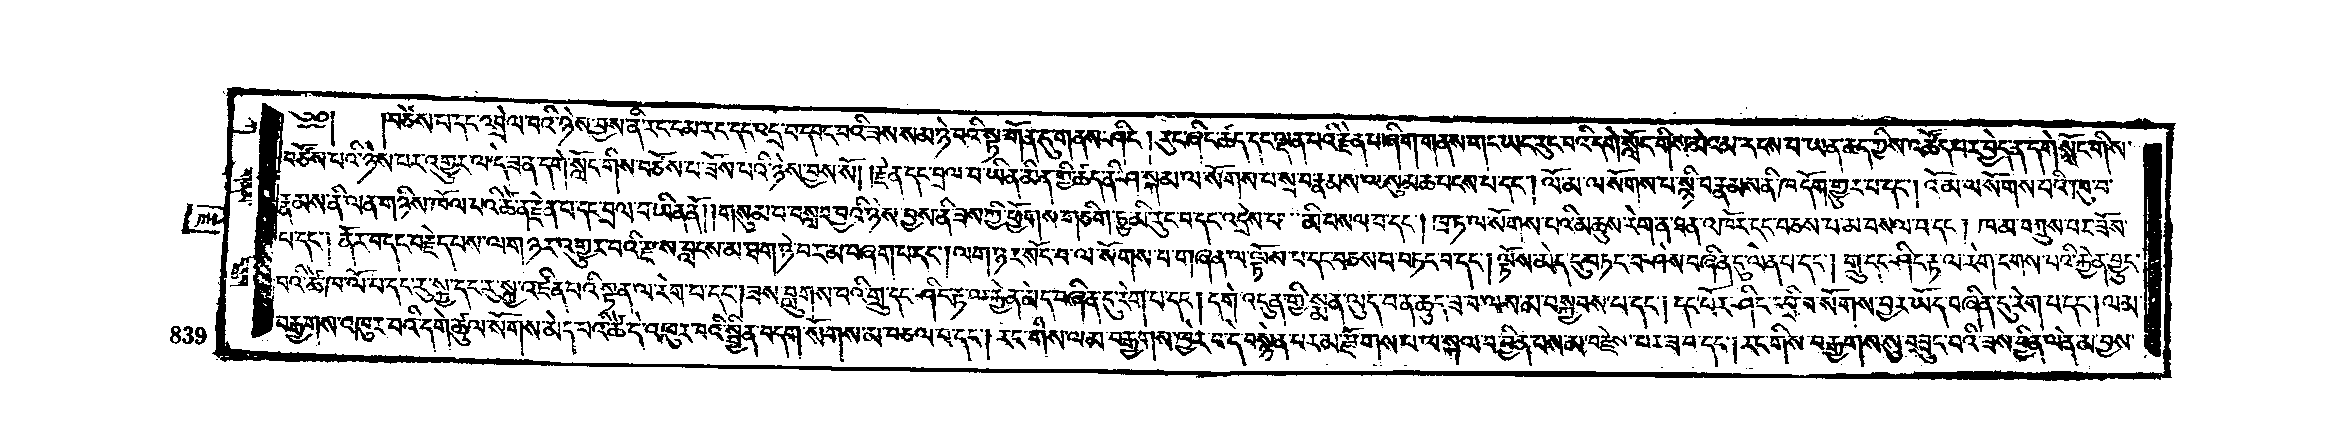༄༅། །བཙེས་པ་དང་འབྲེལ་བའི་ཉེས་བྱས་ནི་རང་ངམ་རང་དང་འདྲ་བ་དབང་བའི་ཟས་སམ་ཉེ་བའི་སྟ་གོན་དུ་གནས་ཤིང་། རུང་ཞིང་ཚད་དང་ལྡན་པའི་རྗེན་པ་ཞིག་གནས་གང་ཡང་རུང་བའི་དགེ་སློང་གིས་མེའམ་རངས་བ་ཡན་ཆད་ཀྱིས་འཚོད་པར་བྱེད་ན་དགེ་སློང་གིས་
བཙོས་པའི་ཉེས་པར་འགྱུར་ལ་དེ་ཟ་ན་དགེ་སློང་གིས་བཙོས་པ་ཟོས་པའི་ཉེས་བྱས་སོ། །རྗེན་དང་བྲལ་བ་ཡིན་མིན་གྱི་ཚད་ནི་ཤ་སྐམ་ལ་སོགས་པ་སྲ་བ་རྣམས་ལ་སུམ་ཆ་པངས་པ་དང་། ལོ་མ་ལ་སོགས་པ་སྙི་བ་རྣམས་ནི་ཁ་དོག་གྱུར་པ་དང་། འོ་མ་ལ་སོགས་པའི་ཁུ་བ་
རྣམས་ནི་ལན་གཉིས་ཁོལ་པའི་ཚེ་ན་རྗེན་པ་དང་བྲལ་བ་ཡིན་ནོ། །གསུམ་པ་བསླབ་བྱའི་ཉེས་བྱས་ནི་ཟས་ཀྱི་ཕྱོགས་གཅིག་ཏུ་མི་རུང་བ་དང་འདྲེས་པ་མི་བསལ་བ་དང་། ཁྲ་ཏ་ལ་སོགས་པའི་མཆུས་རེག་ན་ཐན་འཁོར་དང་བཅས་པ་མ་བསལ་བ་དང་། ཁ་མ་བཀྲུས་བར་ཟོས་
པ་དང་། ནོར་བ་དང་བརྗེད་པས་ལག་ཉར་འགྱུར་བའི་རྫས་བླངས་མ་ཐག་ཉེ་བར་མ་བཞག་པ་དང་། ལག་ཉར་སོང་བ་ལ་སོགས་པ་གཞན་ལ་ལྟོས་པ་དང་བཅས་པ་བཏང་བ་དང་། ལྟོས་མེད་དུ་བཏང་བ་ཤེས་བཞིན་དུ་ལེན་པ་དང་། གྲུ་དང་ཤིང་རྟ་ལ་རེག་ངགས་པའི་རྐྱེན་བྱུང་
བའི་ཚེ་ཁ་ལོ་པ་དང་རུ་སྐྱ་དང་རུ་སྐྱ་འཛིན་པའི་སྟན་ལ་རེག་པ་དང་། ཟས་བླུགས་པའི་གྲུ་དང་ཤིང་རྟ་ལ་རྐྱེན་མེད་བཞིན་དུ་རེག་པ་དང་། དགེ་འདུན་གྱི་སྨན་ལུད་པ་ན་ཆུད་ཟ་བ་ལས་མ་བསྐྱབས་པ་དང་། དང་པོར་ཤིང་འབྲི་བ་སོགས་བྱར་ཡོད་བཞིན་དུ་རེག་པ་དང་། ལམ་
བརྒྱགས་འཁུར་བའི་དགེ་ཚུལ་སོགས་མེད་པའི་ཚེ་དེ་འཁུར་བའི་སྦྱིན་བདག་སོགས་མ་བཅལ་བ་དང་། རང་གིས་ལམ་བརྒྱགས་ཁྱེར་བ་དེ་བསྙེན་པར་མ་རྫོགས་པ་ལ་སྐལ་བ་བྱིན་པས་མ་བརྗེས་པར་ཟ་བ་དང་། རང་གིས་བརྒྱགས་སུ་བཟུང་བའི་ཟས་ཕྱིན་ལེན་མ་བྱས་